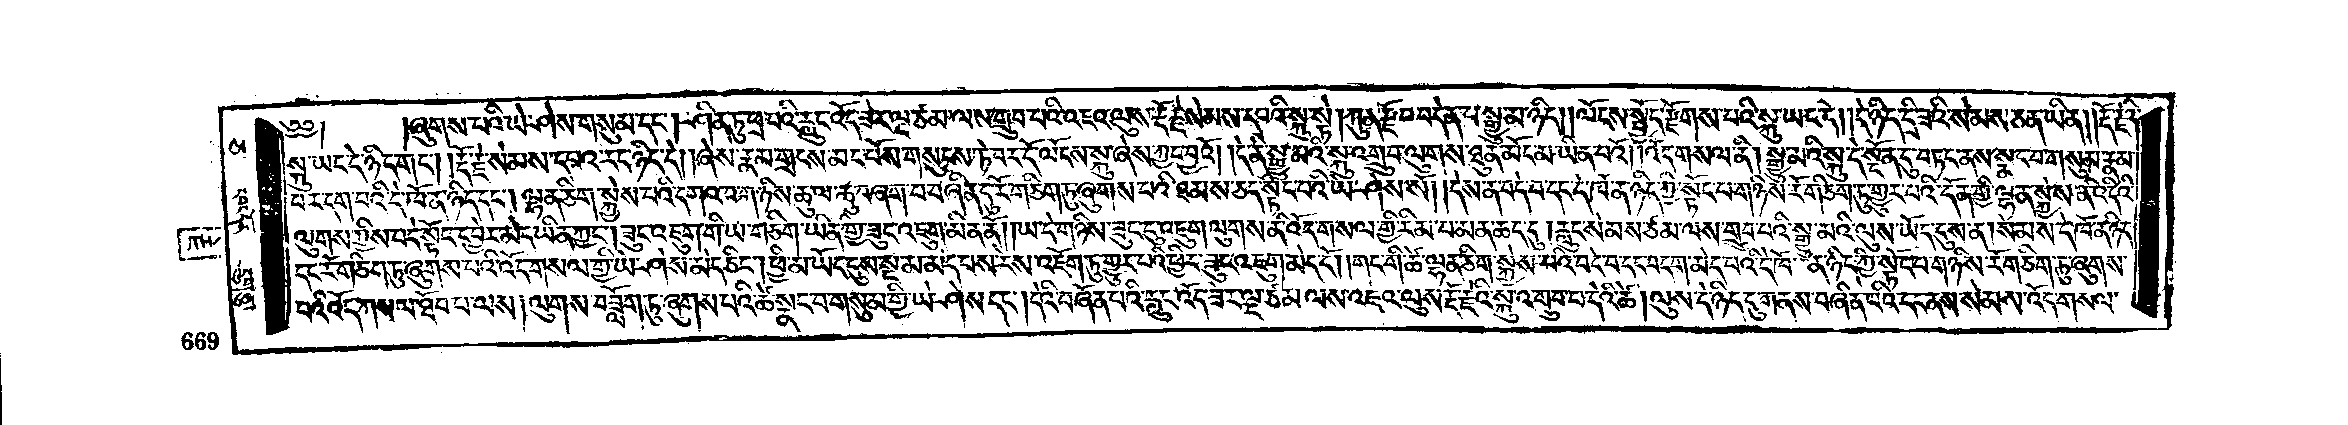༄༅། །ཞུགས་པའི་ཡེ་ཤེས་གསུམ་དང་། ཤིན་ཏུ་ཕྲ་བའི་རླུང་འོད་ཟེར་ལྔ་ཙམ་ལས་གྲུབ་པའི་འཇའ་ལུས་རྡོ་རྗེ་སེམས་དཔའི་སྐུ་སྟེ། ཀུན་རྫོབ་བདེན་པ་སྒྱུ་མ་ཉིད། །ལོངས་སྤྱོད་རྫོགས་པའི་སྐུ་ཡང་དེ། །དེ་ཉིད་དྲི་ཟའི་སེམས་ཅན་ཡིན། །རྡོ་རྗེའི་
སྐུ་ཡང་དེ་ཉིད་གང་། །རྡོ་རྗེ་སེམས་དཔའ་རང་ཉིད་དེ། །ཞེས་རྣམ་གྲངས་མང་པོས་གསུངས་ཏེ་བར་དོ་ལོངས་སྐུ་ཞེས་ཀྱང་བྱའོ། །དེ་ནི་སྒྱུ་མའི་སྐུ་འགྲུབ་ལུགས་ཐུན་མོང་མ་ཡིན་པའོ། །འོད་གསལ་ནི། སྒྱུ་མའི་སྐུ་དེ་སྔོན་དུ་བཏང་ནས་སྣང་བ་གསུམ་རྣམ་
པར་དག་པའི་དེ་ཁོ་ན་ཉིད་དང་། ལྷན་ཅིག་སྐྱེས་པའི་དགའ་བ་གཉིས་ཆུ་ལ་ཆུ་བཞག་པ་བཞིན་དུ་རོ་གཅིག་ཏུ་ཞུགས་པའི་ཐམས་ཅད་སྟོང་པའི་ཡེ་ཤེས་སོ། །དེས་ན་བདེ་བ་དང་དེ་ཁོ་ན་ཉིད་ཀྱི་སྟོང་པ་གཉིས་རོ་གཅིག་ཏུ་གྱུར་པའི་དོན་གྱི་ལྷན་སྐྱེས་ནི་འདིའི་
ལུགས་ཀྱིས་བདེ་སྟོང་དབྱེར་མེད་ཡིན་ཀྱང་། ཟུང་འཇུག་གི་ཡ་གཅིག་ཡིན་གྱི་ཟུང་འཇུག་མིན་ནོ། །ཡ་དེ་གཉིས་ཟུང་དུ་འཇུག་ལུགས་ནི་འོད་གསལ་གྱི་རིམ་པ་མན་ཆད་དུ། རླུང་སེམས་ཙམ་ལས་གྲུབ་པའི་སྒྱུ་མའི་ལུས་ཡོད་དུས་ན། སེམས་དེ་ཁོ་ན་ཉིད་
དང་རོ་གཅིག་ཏུ་ཞུགས་པའི་འོད་གསལ་གྱི་ཡེ་ཤེས་མེད་ཅིང་། ཕྱི་མ་ཡོང་དུས་སྔ་མ་མེད་པས་རེས་འཇོག་ཏུ་གྱུར་པའི་ཕྱིར་ཟུང་འཇུག་མེད་དོ། །གང་གི་ཚེ་ལྷན་ཅིག་སྐྱེས་པའི་བདེ་བ་དང་བདག་མེད་པའི་དེ་ཁོ་ན་ཉིད་ཀྱི་སྟོང་པ་གཉིས་རོ་གཅིག་ཏུ་ཞུགས་
པའི་འོད་གསལ་ཐོབ་པ་ལས། ལུགས་བཟློག་ཏུ་ཞུགས་པའི་ཚེ་སྣང་བ་གསུམ་གྱི་ཡེ་ཤེས་དང་། དེའི་བཞོན་པའི་རླུང་འོད་ཟེར་ལྔ་ཙམ་ལས་འཇའ་ལུས་རྡོ་རྗེའི་སྐུ་འགྲུབ་པ་དེའི་ཚེ། ལུས་དེ་ཉིད་དུ་གནས་བཞིན་པའི་ངང་ནས་སེམས་འོད་གསལ་